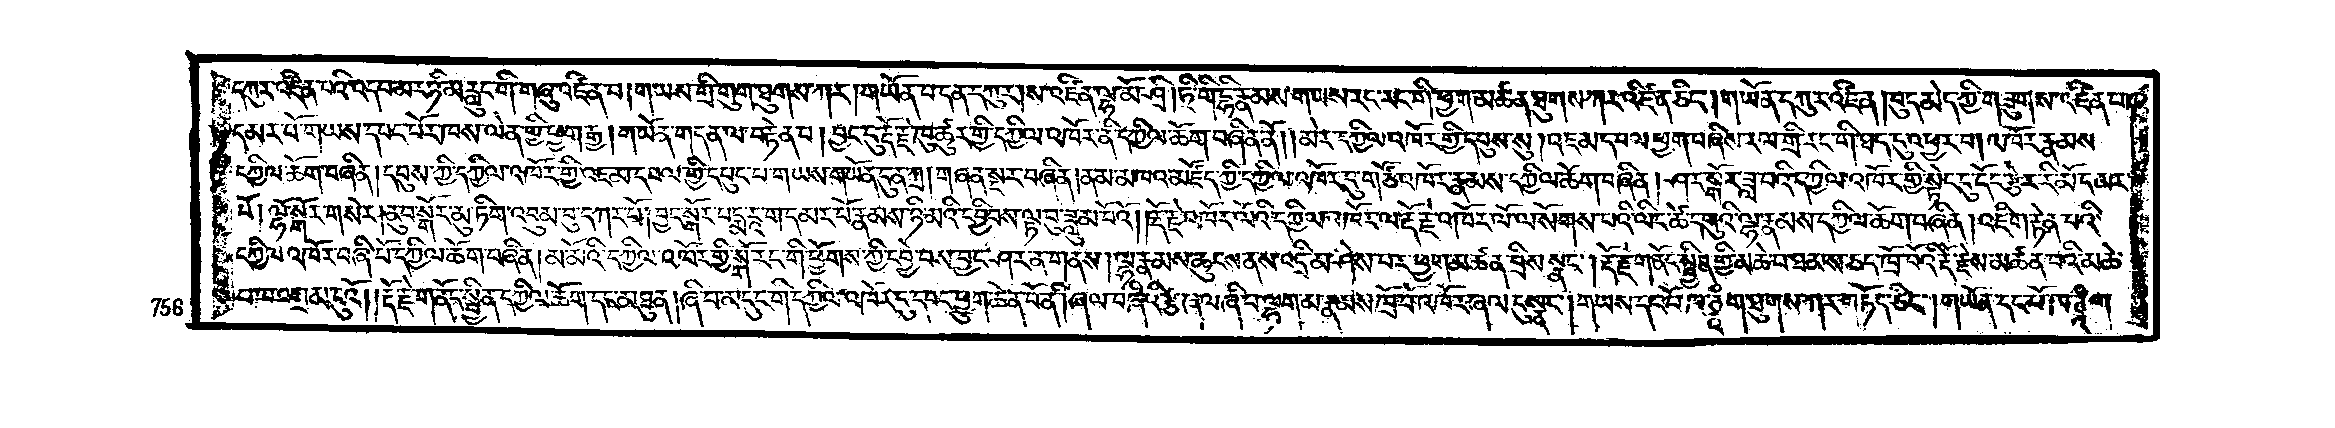དཀུར་འཛིན་པའི་འདབ་མར་ཉི་མ་རླུང་གི་གཞུ་འཛིན་པ། གཡས་གྲི་གུག་ཐུགས་ཀར། གཡོན་པ་དན་དཀུར། ས་འཛིན་ལྷ་མོ་ཤྲི། ཧྲི་གི་དྷི་རྣམས་གཡས་རང་རང་གི་ཕྱག་མཚན་ཐུགས་ཀར་འཛིན་ཅིང་། གཡོན་དཀུར་འཛིན། བུད་མེད་ཀྱི་གཟུགས་འཛིན་པ་
དམར་པོ་གཡས་དབང་པོར་ཁས་ལེན་གྱི་ཕྱག་རྒྱ། གཡོན་གདན་ལ་བརྟེན་པ། བྱང་དུ་རྡོ་རྗེ་ཁུ་ཚུར་གྱི་དཀྱིལ་འཁོར་ནི་དཀྱིལ་ཆོག་བཞིན་ནོ། །མེར་དཀྱིལ་འཁོར་གྱི་དབུས་སུ། འཇམ་དཔལ་ཕྱག་བཞིས་རལ་གྲི་རང་གི་ཐད་དུ་འཕྱར་བ། འཁོར་རྣམས་
དཀྱིལ་ཆོག་བཞིན། དབུས་ཀྱི་དཀྱིལ་འཁོར་གྱི་འཇམ་དཔལ་གྱི་དཔུང་པ་གཡས་གཡོན་དུ་ན་ཀྲ། གཞན་སྔར་བཞིན། ནམ་མཁའ་མཛོད་ཀྱི་དཀྱིལ་འཁོར་དུ་གཙོ་འཁོར་རྣམས་དཀྱིལ་ཆོག་བཞིན། ཤར་སྒོར་ཟླ་བའི་དཀྱིལ་འཁོར་གྱི་སྟེང་དུ་དོང་རྩེར་རི་མོ་དམར་
པོ། ལྷོ་སྒོར་གསེར། ནུབ་སྒོར་མུ་ཏིག་འབུམ་བུ་དཀར་པོ། བྱང་སྒོར་པདམ་རཱ་ག་དམར་པོ་རྣམས་ཉི་མའི་དབྱིབས་ལྟ་བུ་ཟླུམ་པོའོ། །རྡོ་རྗེ་འཁོར་ལོའི་དཀྱིལ་འཁོར་ལ་རྡོ་རྗེ་འཁོར་ལོ་ལ་སོགས་པའི་ལིང་ཚེ་དགུའི་ལྷ་རྣམས་དཀྱིལ་ཆོག་བཞིན། འཇིག་རྟེན་པའི་
དཀྱིལ་འཁོར་བཞི་པོ་དཀྱིལ་ཆོག་བཞིན། མ་མོའི་དཀྱིལ་འཁོར་གྱི་སྒོ་རང་གི་ཕྱོགས་ཀྱི་དབྱེ་བས་བྱང་ཤར་ན་གནས། ལྷ་རྣམས་ཆུངས་ནས་འདྲི་མ་ཤེས་པར་ཕྱག་མཚན་བྲིས་སྣང་། རྡོ་རྗེ་གནོད་སྦྱིན་གྱི་མཆེ་བ་ཐམས་ཅད་ཁྲོ་བོའི་རྡོ་རྗེས་མཚན་པའི་མཆེ་
བ་ཁ་འགྲམ་དུའོ། །རྡོ་རྗེ་གནོད་སྦྱིན་དཀྱིལ་ཆོག་དང་མཐུན། ཞི་བ་མདུང་གི་དཀྱིལ་འཁོར་དུ་དབང་ཕྱུག་ཆེན་པོ་ནི། ཞལ་བཞིའི་རྩ་ཞལ་ཞི་བ་ལྷག་མ་རྣམས་ཁྲོ་བོ་འཁོར་ཞལ་དུ་སྣང་། གཡས་དང་པོ་ཁ་ཊྭཱཾ་ག་ཐུགས་ཀར་གཏོད་ཅིང་། གཡོན་དང་པོ་ཁ་ཊཱཾ་ག་